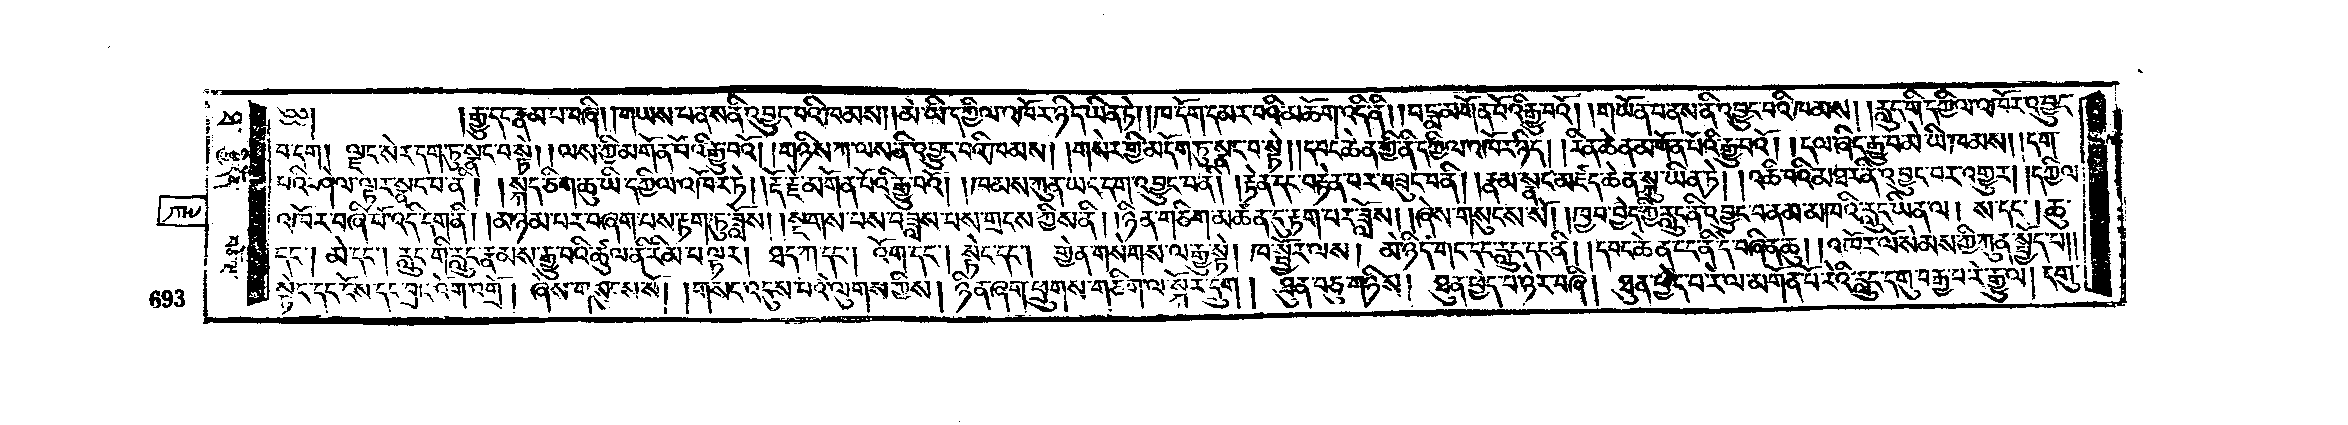༄༅། །རྒྱུ་དང་རྣམ་པ་བཞི། །གཡས་པ་ནས་ནི་འབྱུང་བའི་ཁམས། །མེ་ཡི་དཀྱིལ་འཁོར་ཉིད་ཡིན་ཏེ། །ཁ་དོག་དམར་བའི་མཆོག་འདི་ནི། །པདམ་མགོན་པོའི་རྒྱུ་བའོ། །གཡོན་པ་ནས་ནི་འབྱུང་བའི་ཁམས། །རླུང་གི་དཀྱིལ་འཁོར་འབྱུང་
བ་དག། ལྗང་སེར་དག་ཏུ་སྣང་བ་སྟེ། །ལས་ཀྱི་མགོན་པོའི་རྒྱུ་བའོ། །གཉིས་ཀ་ལས་ནི་འབྱུང་བའི་ཁམས། །གསེར་གྱི་མདོག་ཏུ་སྣང་བ་སྟེ། །དབང་ཆེན་གྱི་ནི་དཀྱིལ་འཁོར་ཉིད། །རིན་ཆེན་མགོན་པོའི་རྒྱུ་བའོ། །དལ་ཞིང་རྒྱུ་བ་མེ་ཡི་ཁམས། །དག་
པའི་ཤེལ་ལྟར་སྣང་བ་ནི། །སྐད་ཅིག་ཆུ་ཡི་དཀྱིལ་འཁོར་ཏེ། །རྡོ་རྗེ་མགོན་པོའི་རྒྱུ་བའོ། །ཁམས་ཀུན་ཡང་དག་འབྱུང་བ་ནི། །རྟེན་དང་བརྟེན་པར་བཟུང་བ་ནི། །རྣམ་སྣང་མཛད་ཆེན་སྐུ་ཡིན་ཏེ། །འཆི་བའི་མཐར་ནི་འབྱུང་བར་འགྱུར། །དཀྱིལ་
འཁོར་བཞི་པོ་འདི་དག་ནི། །མཉམ་པར་བཞག་པས་རྟག་ཏུ་ཟློས། །སྔགས་པས་བཟླས་པས་གྲངས་ཀྱིས་ནི། །ཉིན་གཅིག་མཚན་དུ་རྟག་པར་ཟློས། །ཞེས་གསུངས་སོ། །ཁྱབ་བྱེད་ཀྱི་རླུང་ནི་འབྱུང་བ་ནམ་མཁའི་རླུང་ཡིན་ལ། ས་དང་། ཆུ་
དང་། མེ་དང་། རླུང་གི་རྣམས་རྒྱུ་བའི་ཚུལ་ནི་རིམ་པ་ལྟར། ཐད་ཀ་དང་། འོག་དང་། སྟེང་དང་། གྱེན་གསེགས་ལ་རྒྱུ་སྟེ། ཁ་སྦྱོར་ལས། མེ་ཉིད་གང་དང་རླུང་དང་ནི། །དབང་ཆེན་དང་ནི་དེ་བཞིན་ཆུ། །འཁོར་ལོ་སེམས་ཀྱི་ཀུན་སྤྱོད་པ། །
སྟེང་དང་ངོས་དང་བྲང་འོག་འགྲོ། ཞེས་གསུངས་སོ། །གསང་འདུས་པའི་ལུགས་ཀྱིས། ཉིན་ཞག་ཕྲུགས་གཅིག་ལ་སྐོར་དྲུག། ཐུན་བཅུ་གཉིས། །ཐུན་ཕྱེད་པ་ཉེར་བཞི། །ཐུན་ཕྱེད་པ་རེ་ལ་མགོན་པོ་རེའི་རླུང་དགུ་བརྒྱ་པ་རེ་རྒྱུ་ལ། དགུ་